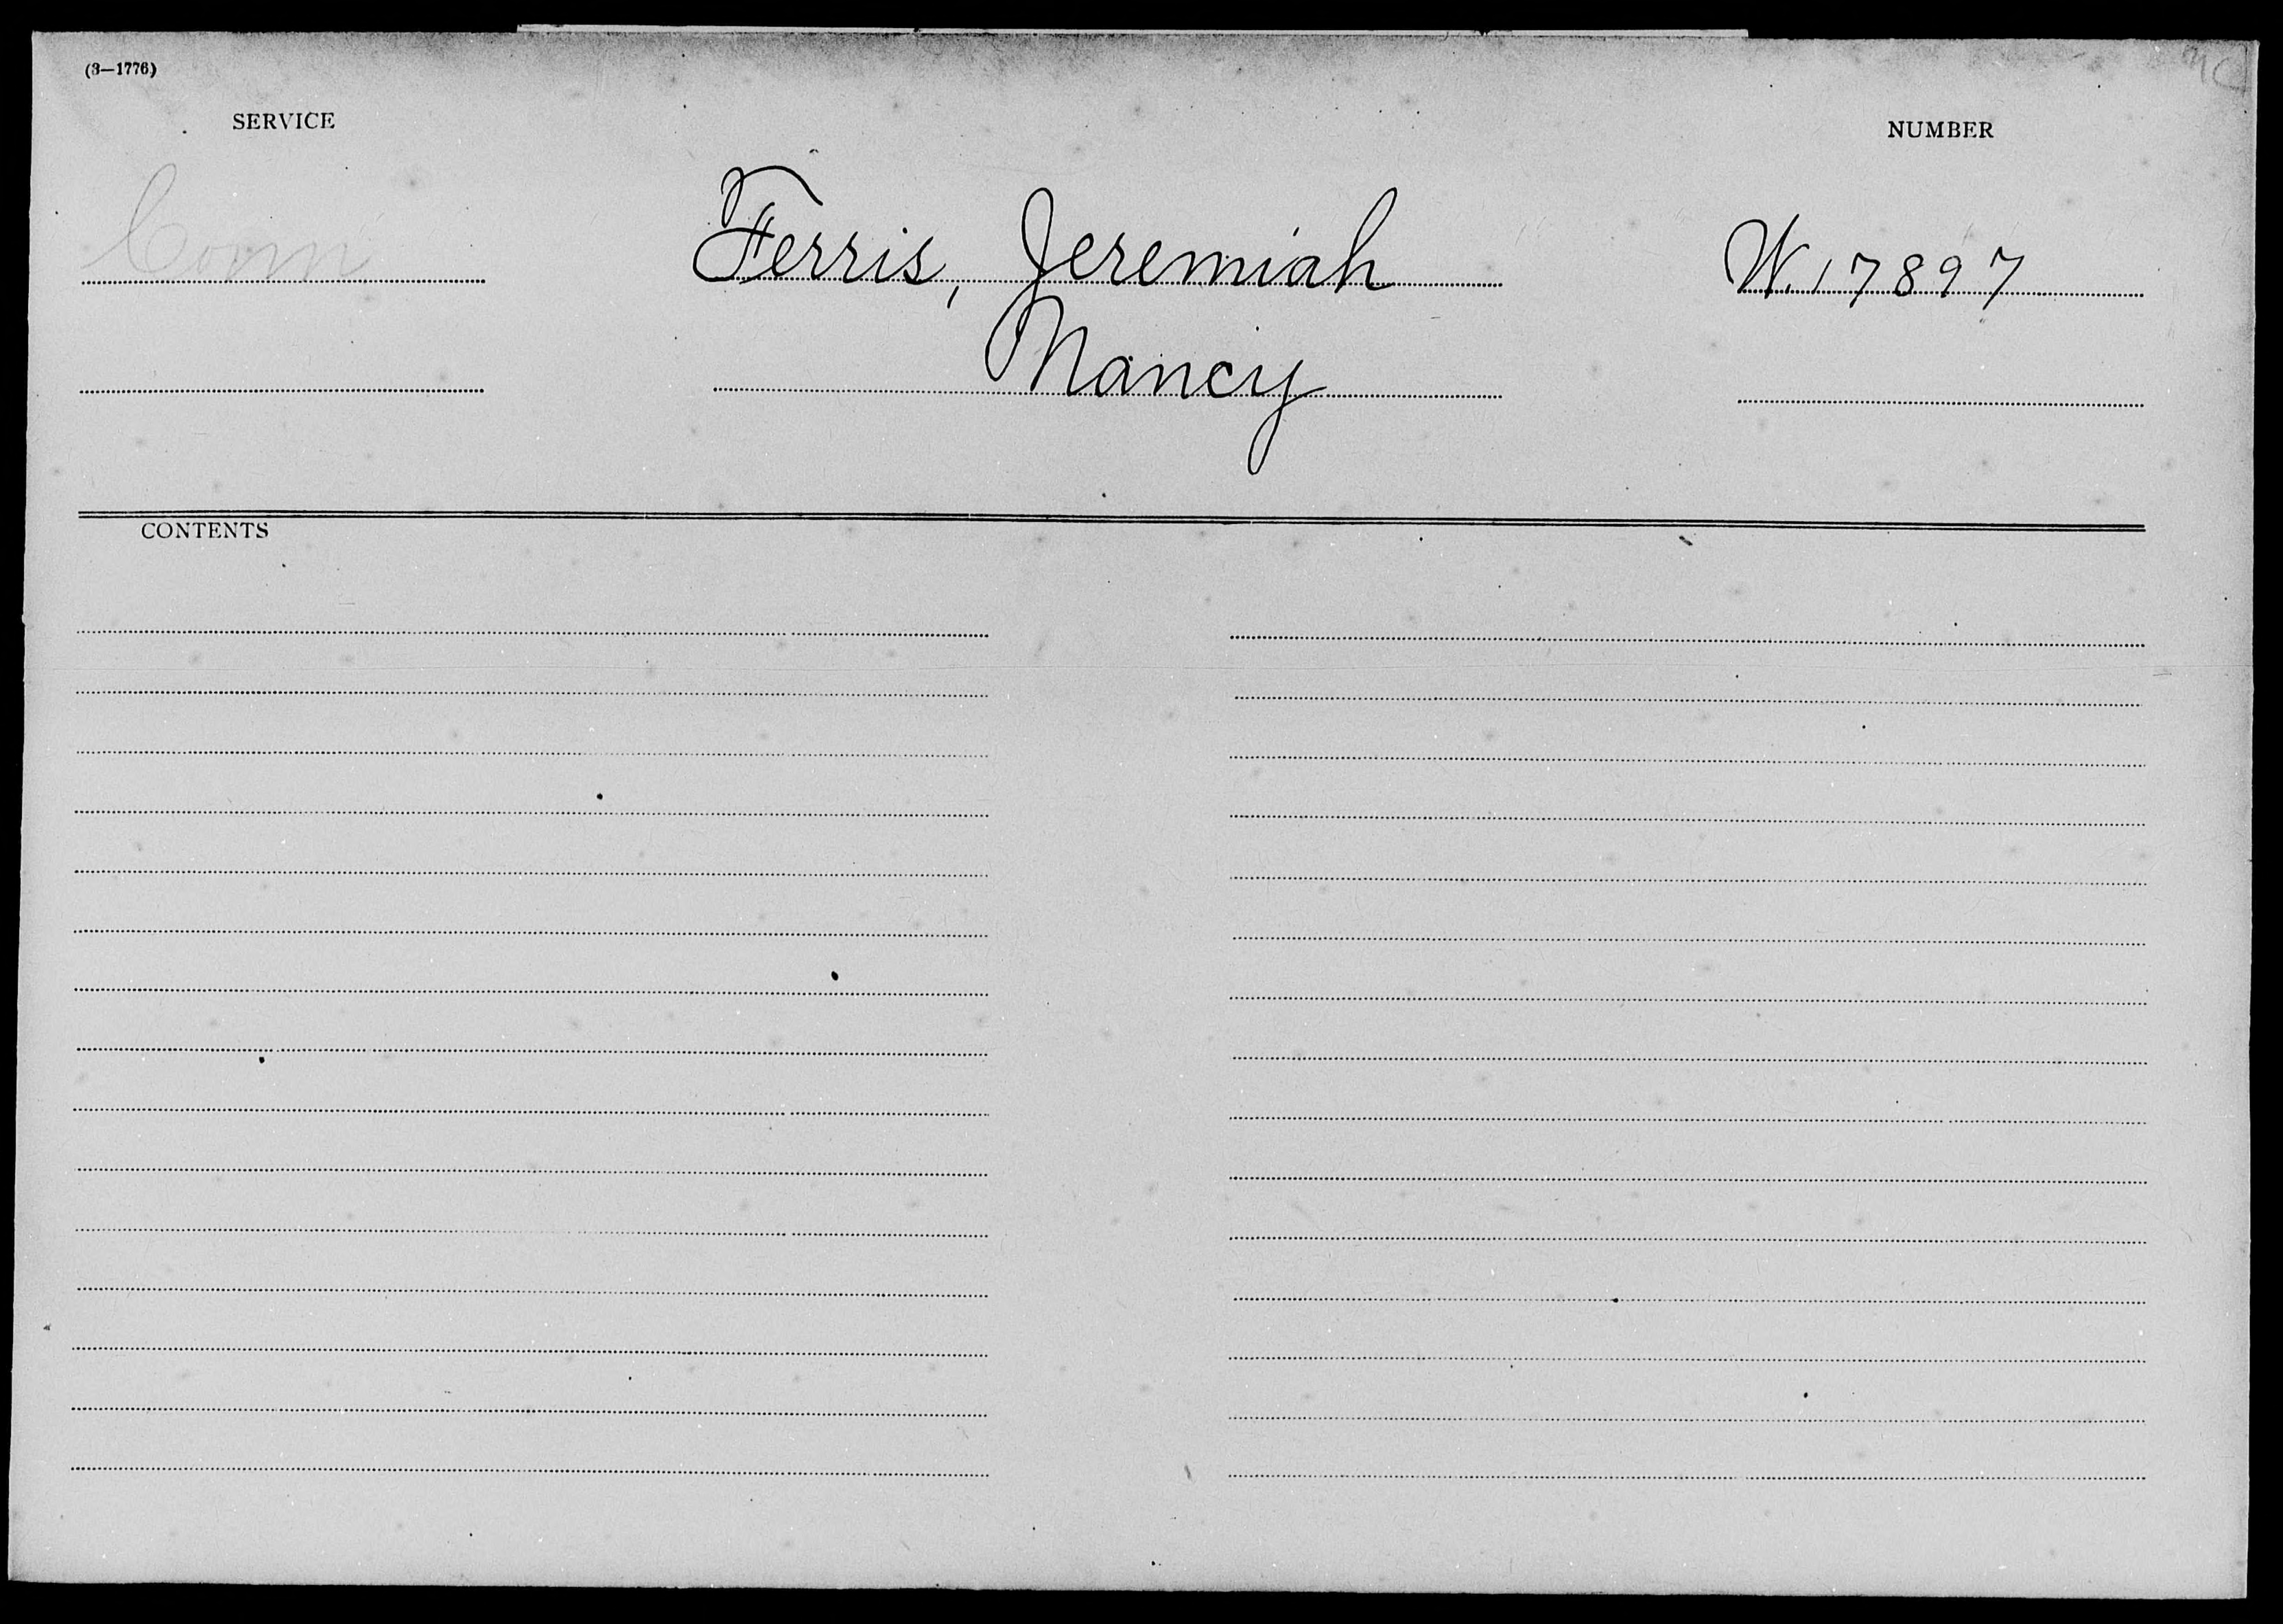3-1776
Service
Conn
Ferris, Jeremiah
Nancy
Number W17897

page: 1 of 14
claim: widow's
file: W. 17897, Jeremiah Ferris, Conn.